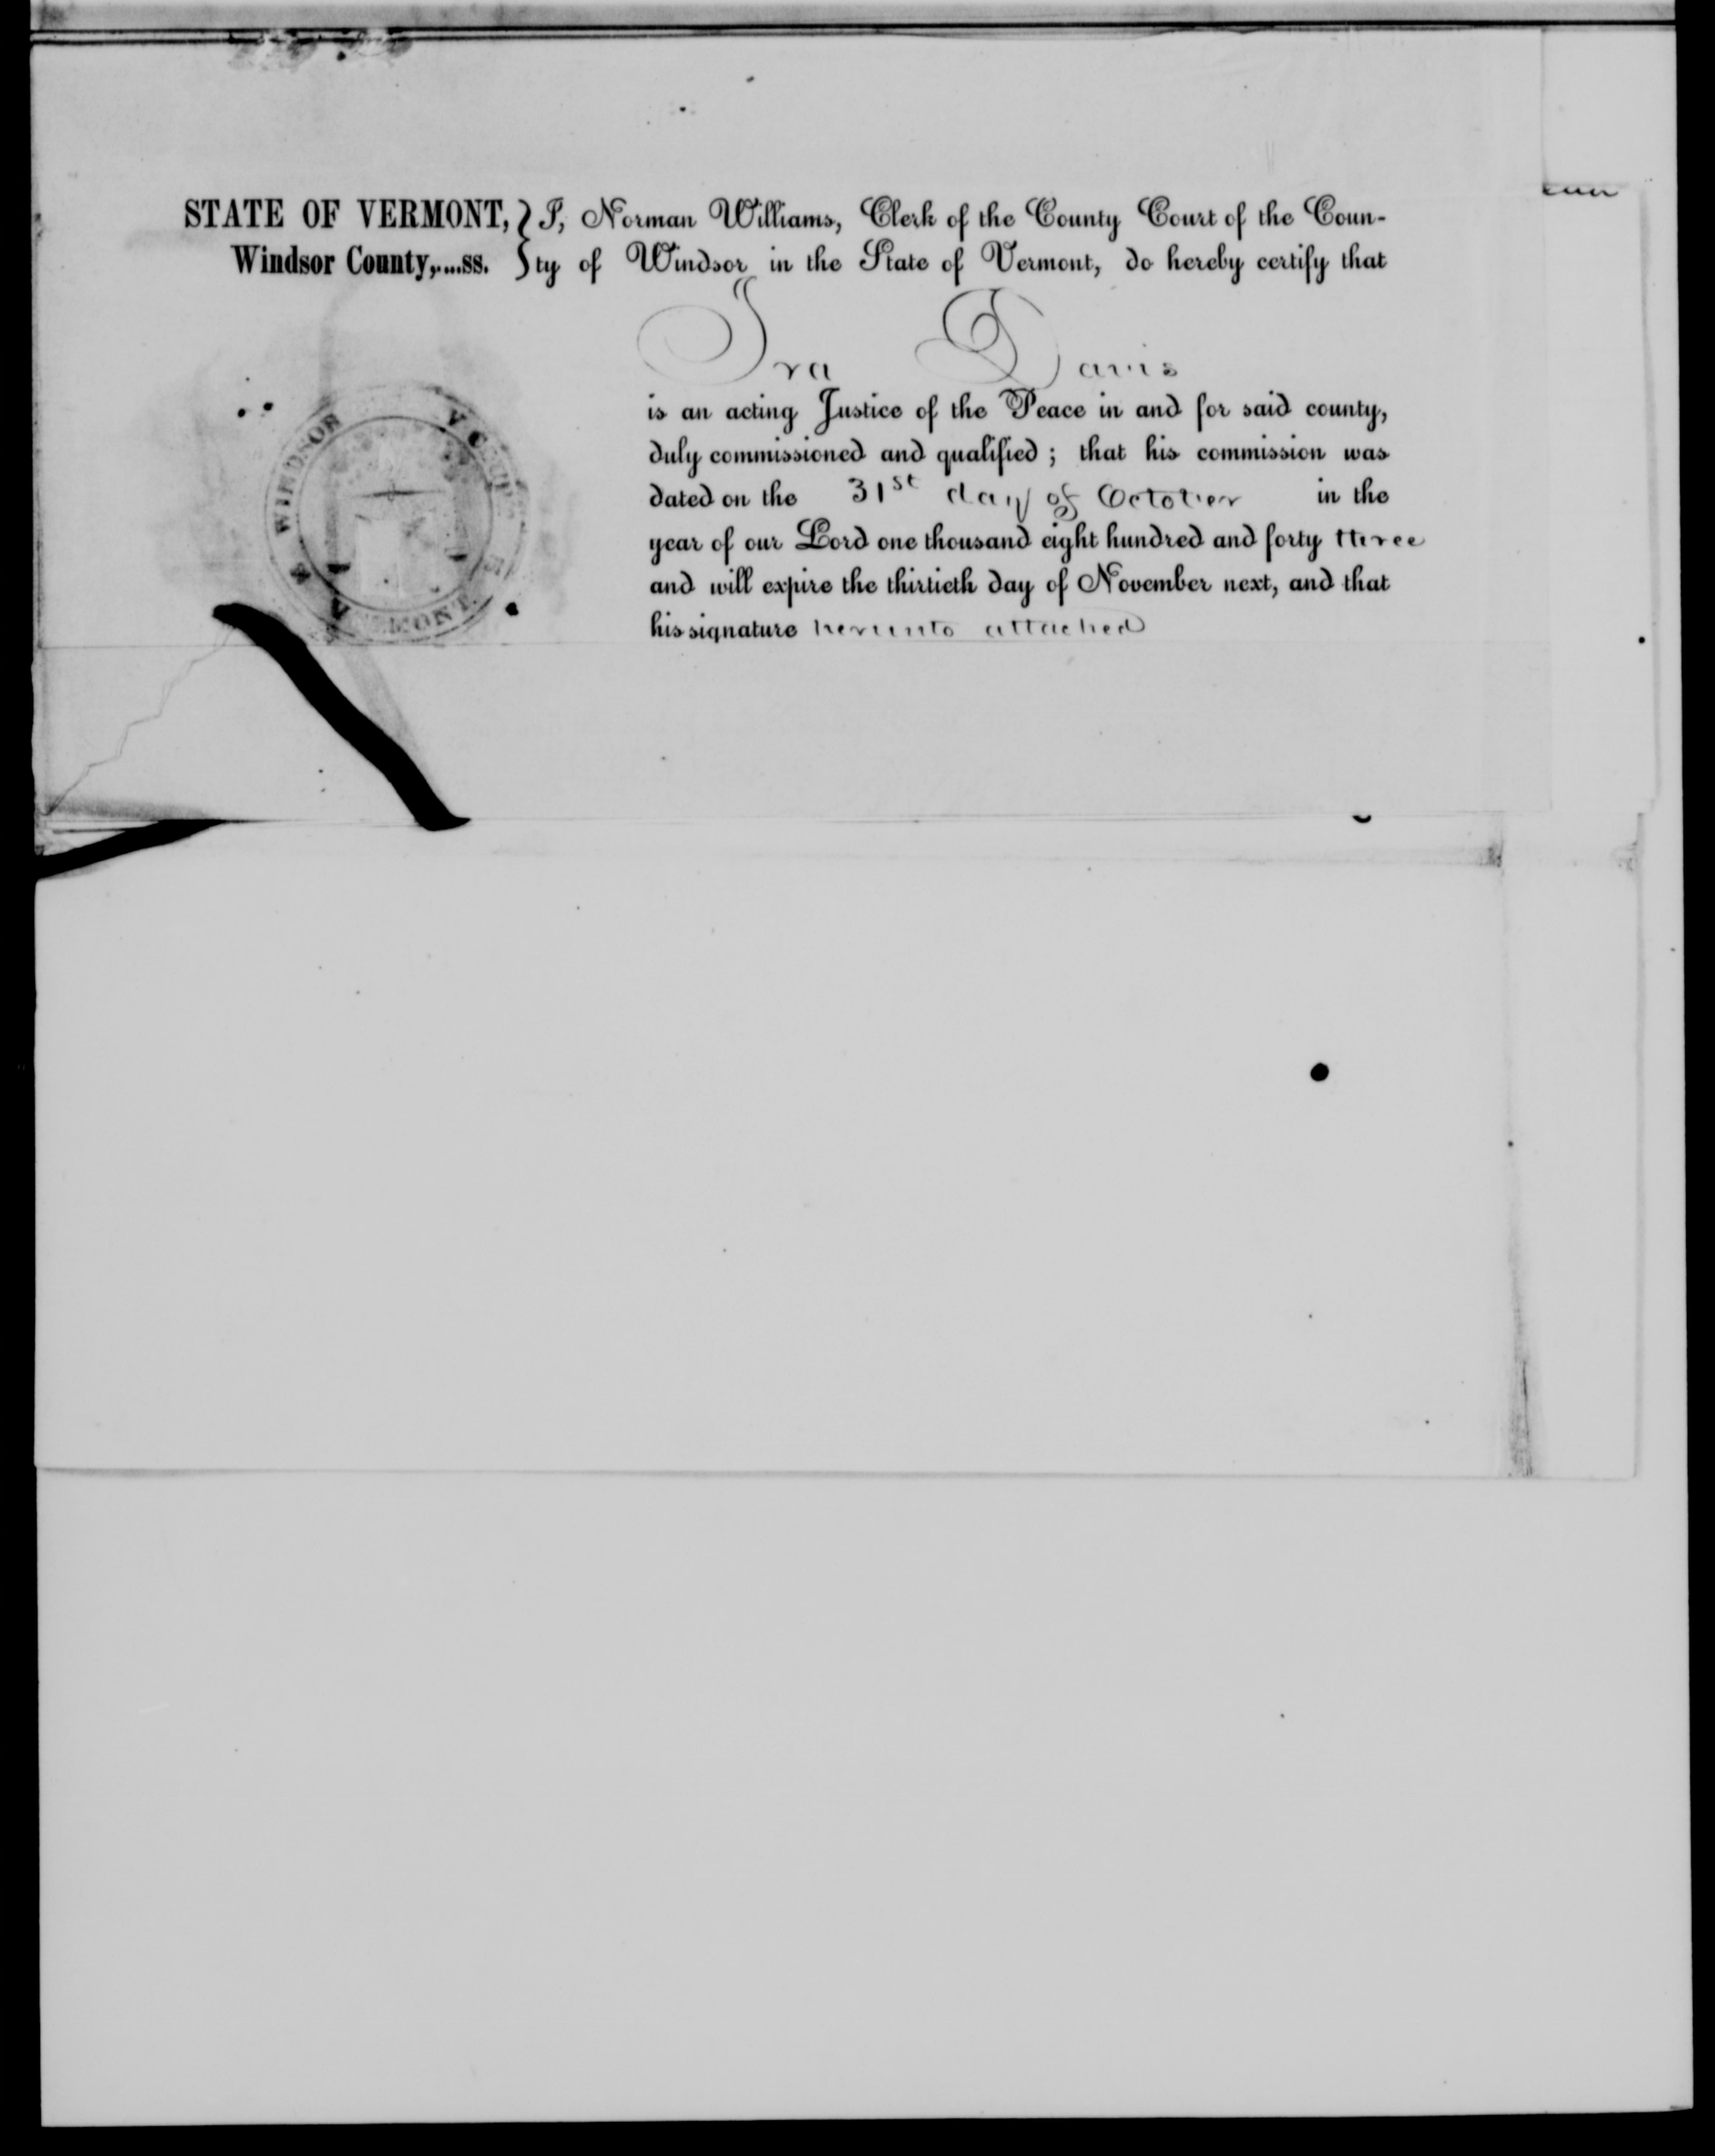State of Vermont: I, Norman Williams, Clerk of 
Windsor County,.....ss.:  the County Court of the  County of Windsor in the State of Vermont, do hereby certify that
Ira Davis is an acting Justice of the Peace in and for said county, duly commissioned and qualified; that his commission was dated on the 31st day of October in the year of our Lord one thousand eight hundred and forty three and will expire the thirtieth day of November next, and that his signature hereunto attached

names: Ira Davis, Norman Williams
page: 27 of 40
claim: widow's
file: W. 18,426, Abel Wilder, Mass. N.H. Vt.